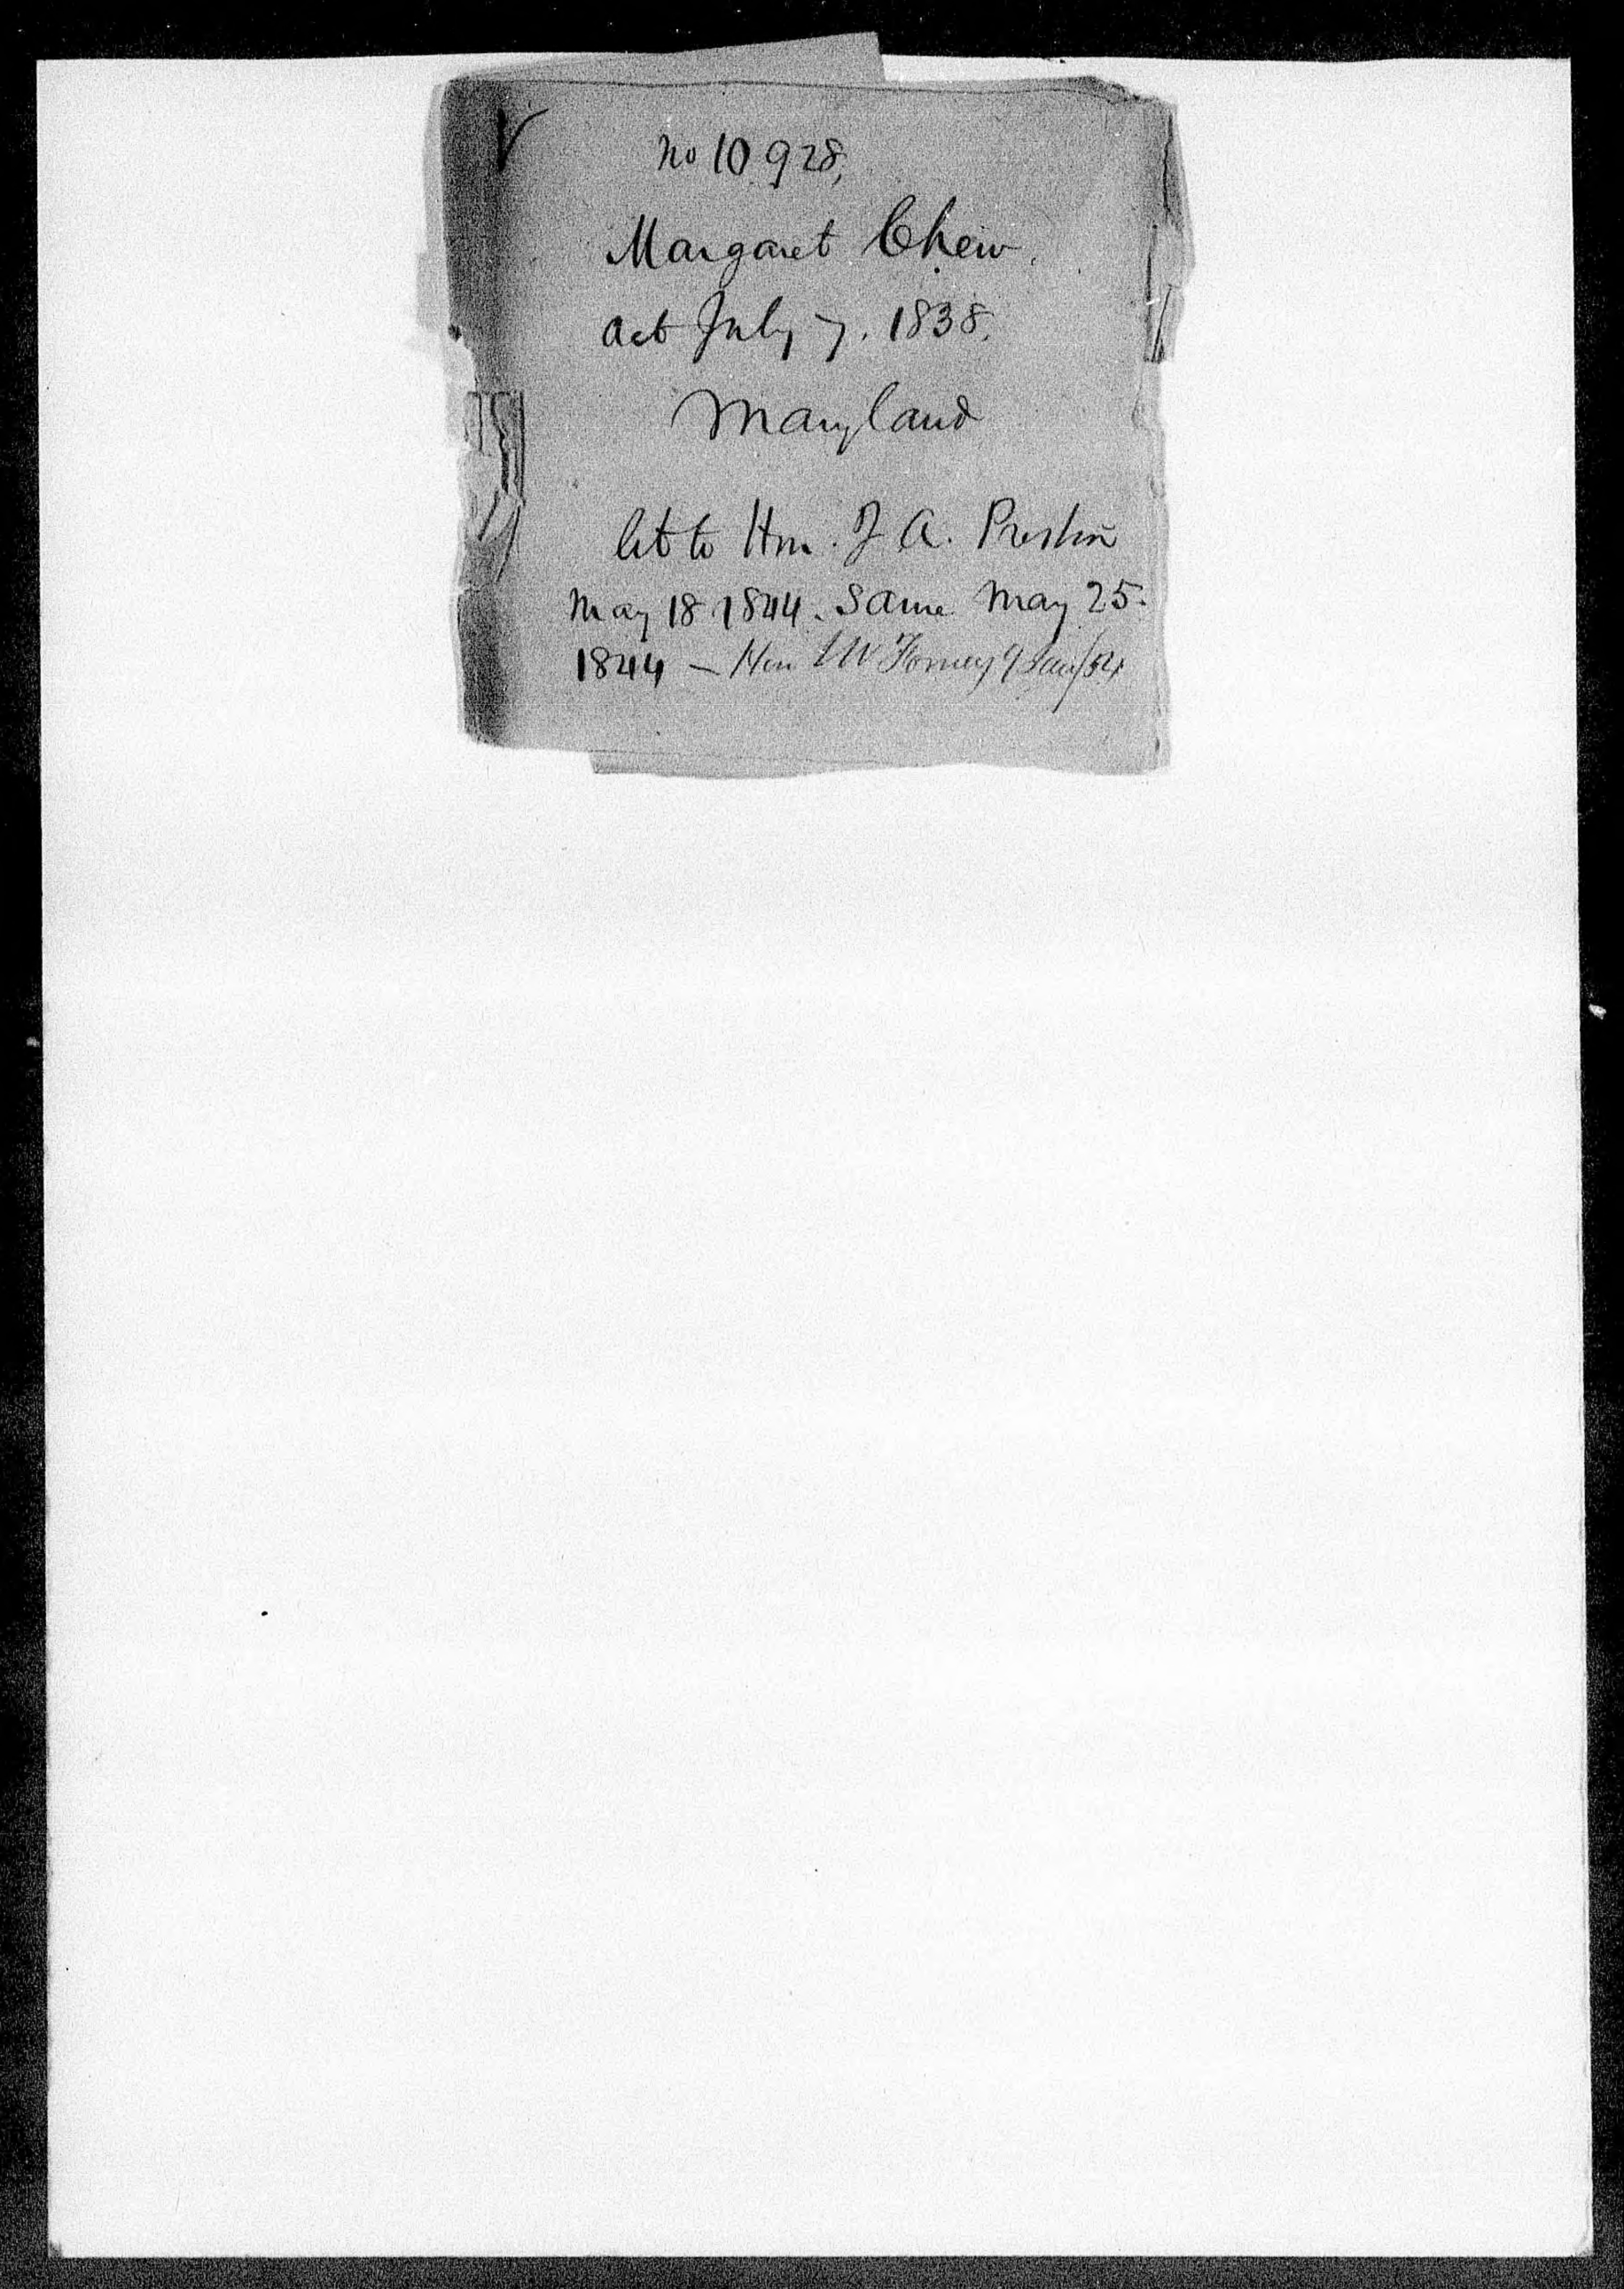No. 10928
Margaret Chew
Act July 7. 1838.
Maryland

let to Hon. J. A. Preston
May 18 1844. Same May 25.
1844-Hon M. Forney 9 Jany/54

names: J A Preston, Margaret Chew, M Forney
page: 25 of 59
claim: widow's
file: W. 9383, Nathaniel Chew, Navy (Md.)